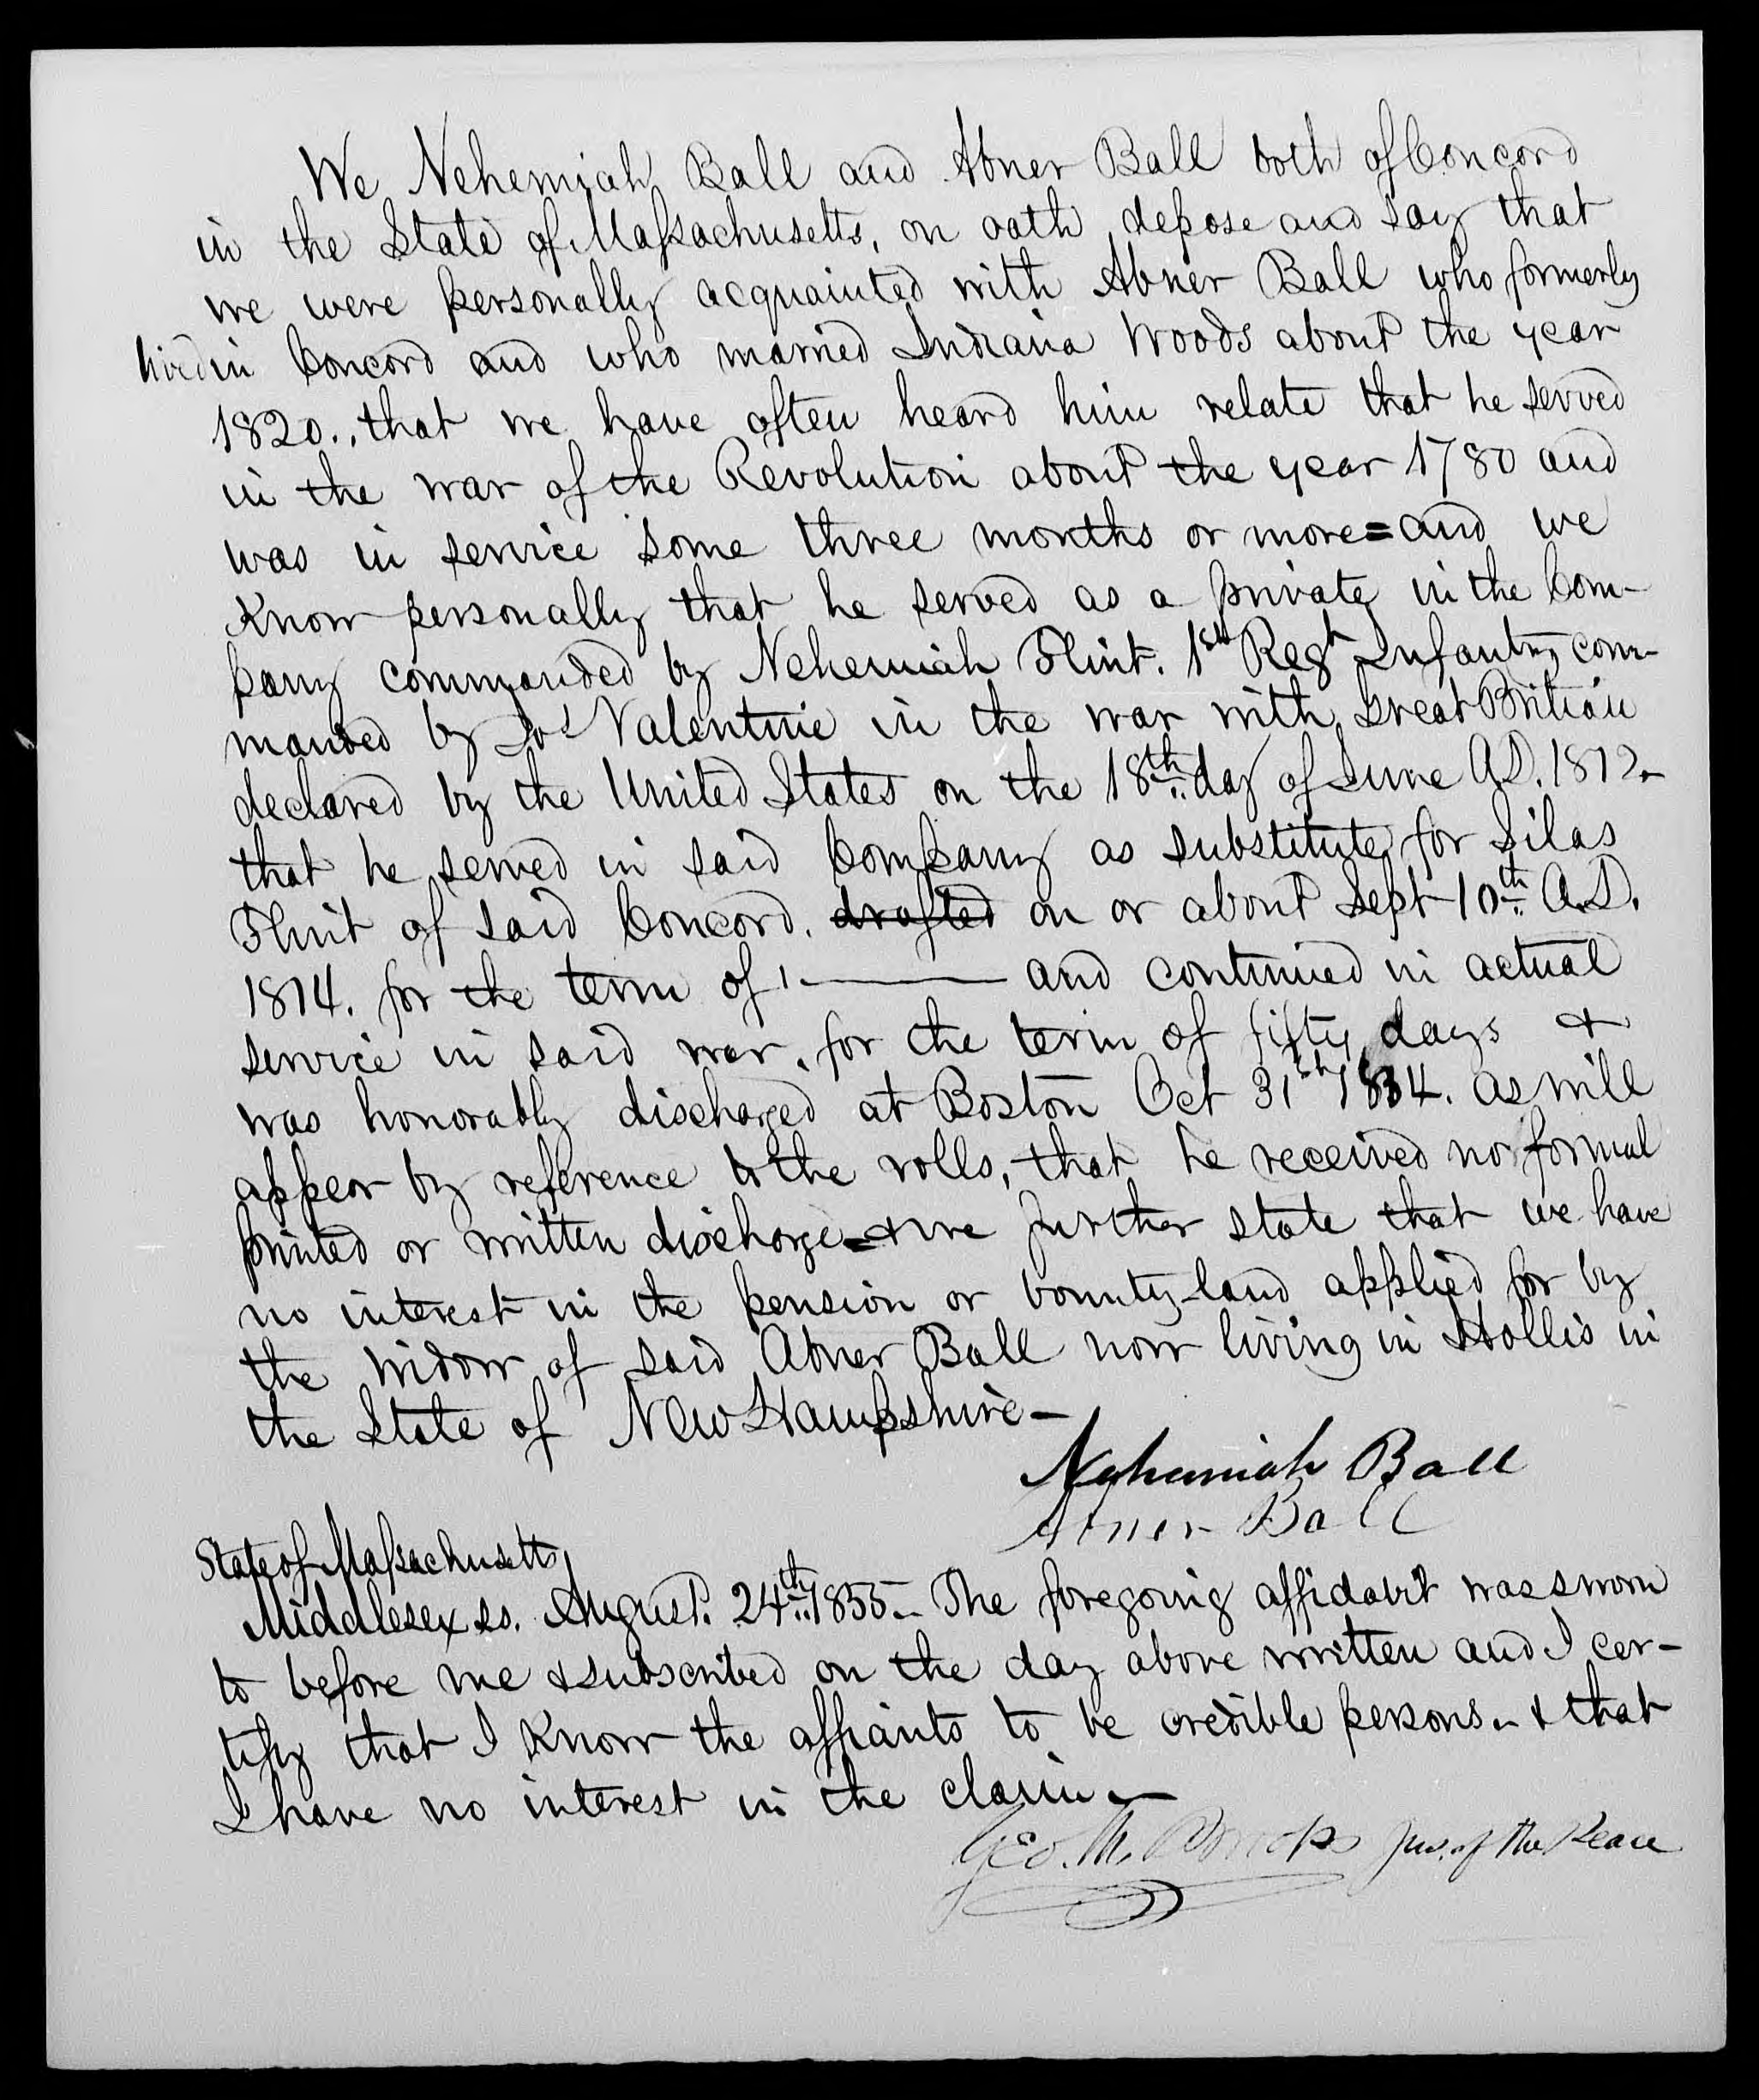We Nehemiah Ball and Abner Ball both of Concord
in the State of Massachusetts, on oath depose and say that
we were personally acquainted with Abner Ball who formerly 
lived in Concord and who married Indiana Woods about the year
1820., that we have after heard him relate that he served
in the war of the Revolution about the year 1780 and
was in service some three months or more = and we
know personally that he served as a private in the Com-
pany commanded by Nehemiah Flint. 1st Regt Infantry com-
landed by Jos Valentine in the war with Great Britain
declared by the United States on the 18th day of June A.D. 1812.
that he served in said Company as substitute for Silas 
Flint of said Concord drafted on or about Sept 10th A.D.
1814. for the term of ________ and continued in actual 
service in said war, for the term of fifty days &
was honorably discharged at Boston Oct 31 1834. as will
appear by reference by the rolls, that he received no formal
printed or written discharge = & we further state that we have 
no interest in the pension or bounty land applied for by 
the widow of said Abner Ball now living in Hollis in
the State of New Hampshire-
Nehemiah Ball
Abner Ball
State of Massachusetts
Middlesex ss. August 24th 1855-The foregoing affidavit was sworn
to before me & subscribe on the day above written and I cer-
tify that I know the applicants to be credible persons & that 
I have no interest in the claim-
Geo. M. Brooks Jus. of the Peace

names: Geo M Brooks, Abner Ball, Abner Ball, Indiana Woods, Abner Ball, Silas Flint, Nehemiah Ball, Nehemiah Ball, Nehemiah Flint, Abner Ball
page: 8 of 16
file: B. L. Wt, 36670-160-55, Abner Ball, Mass.